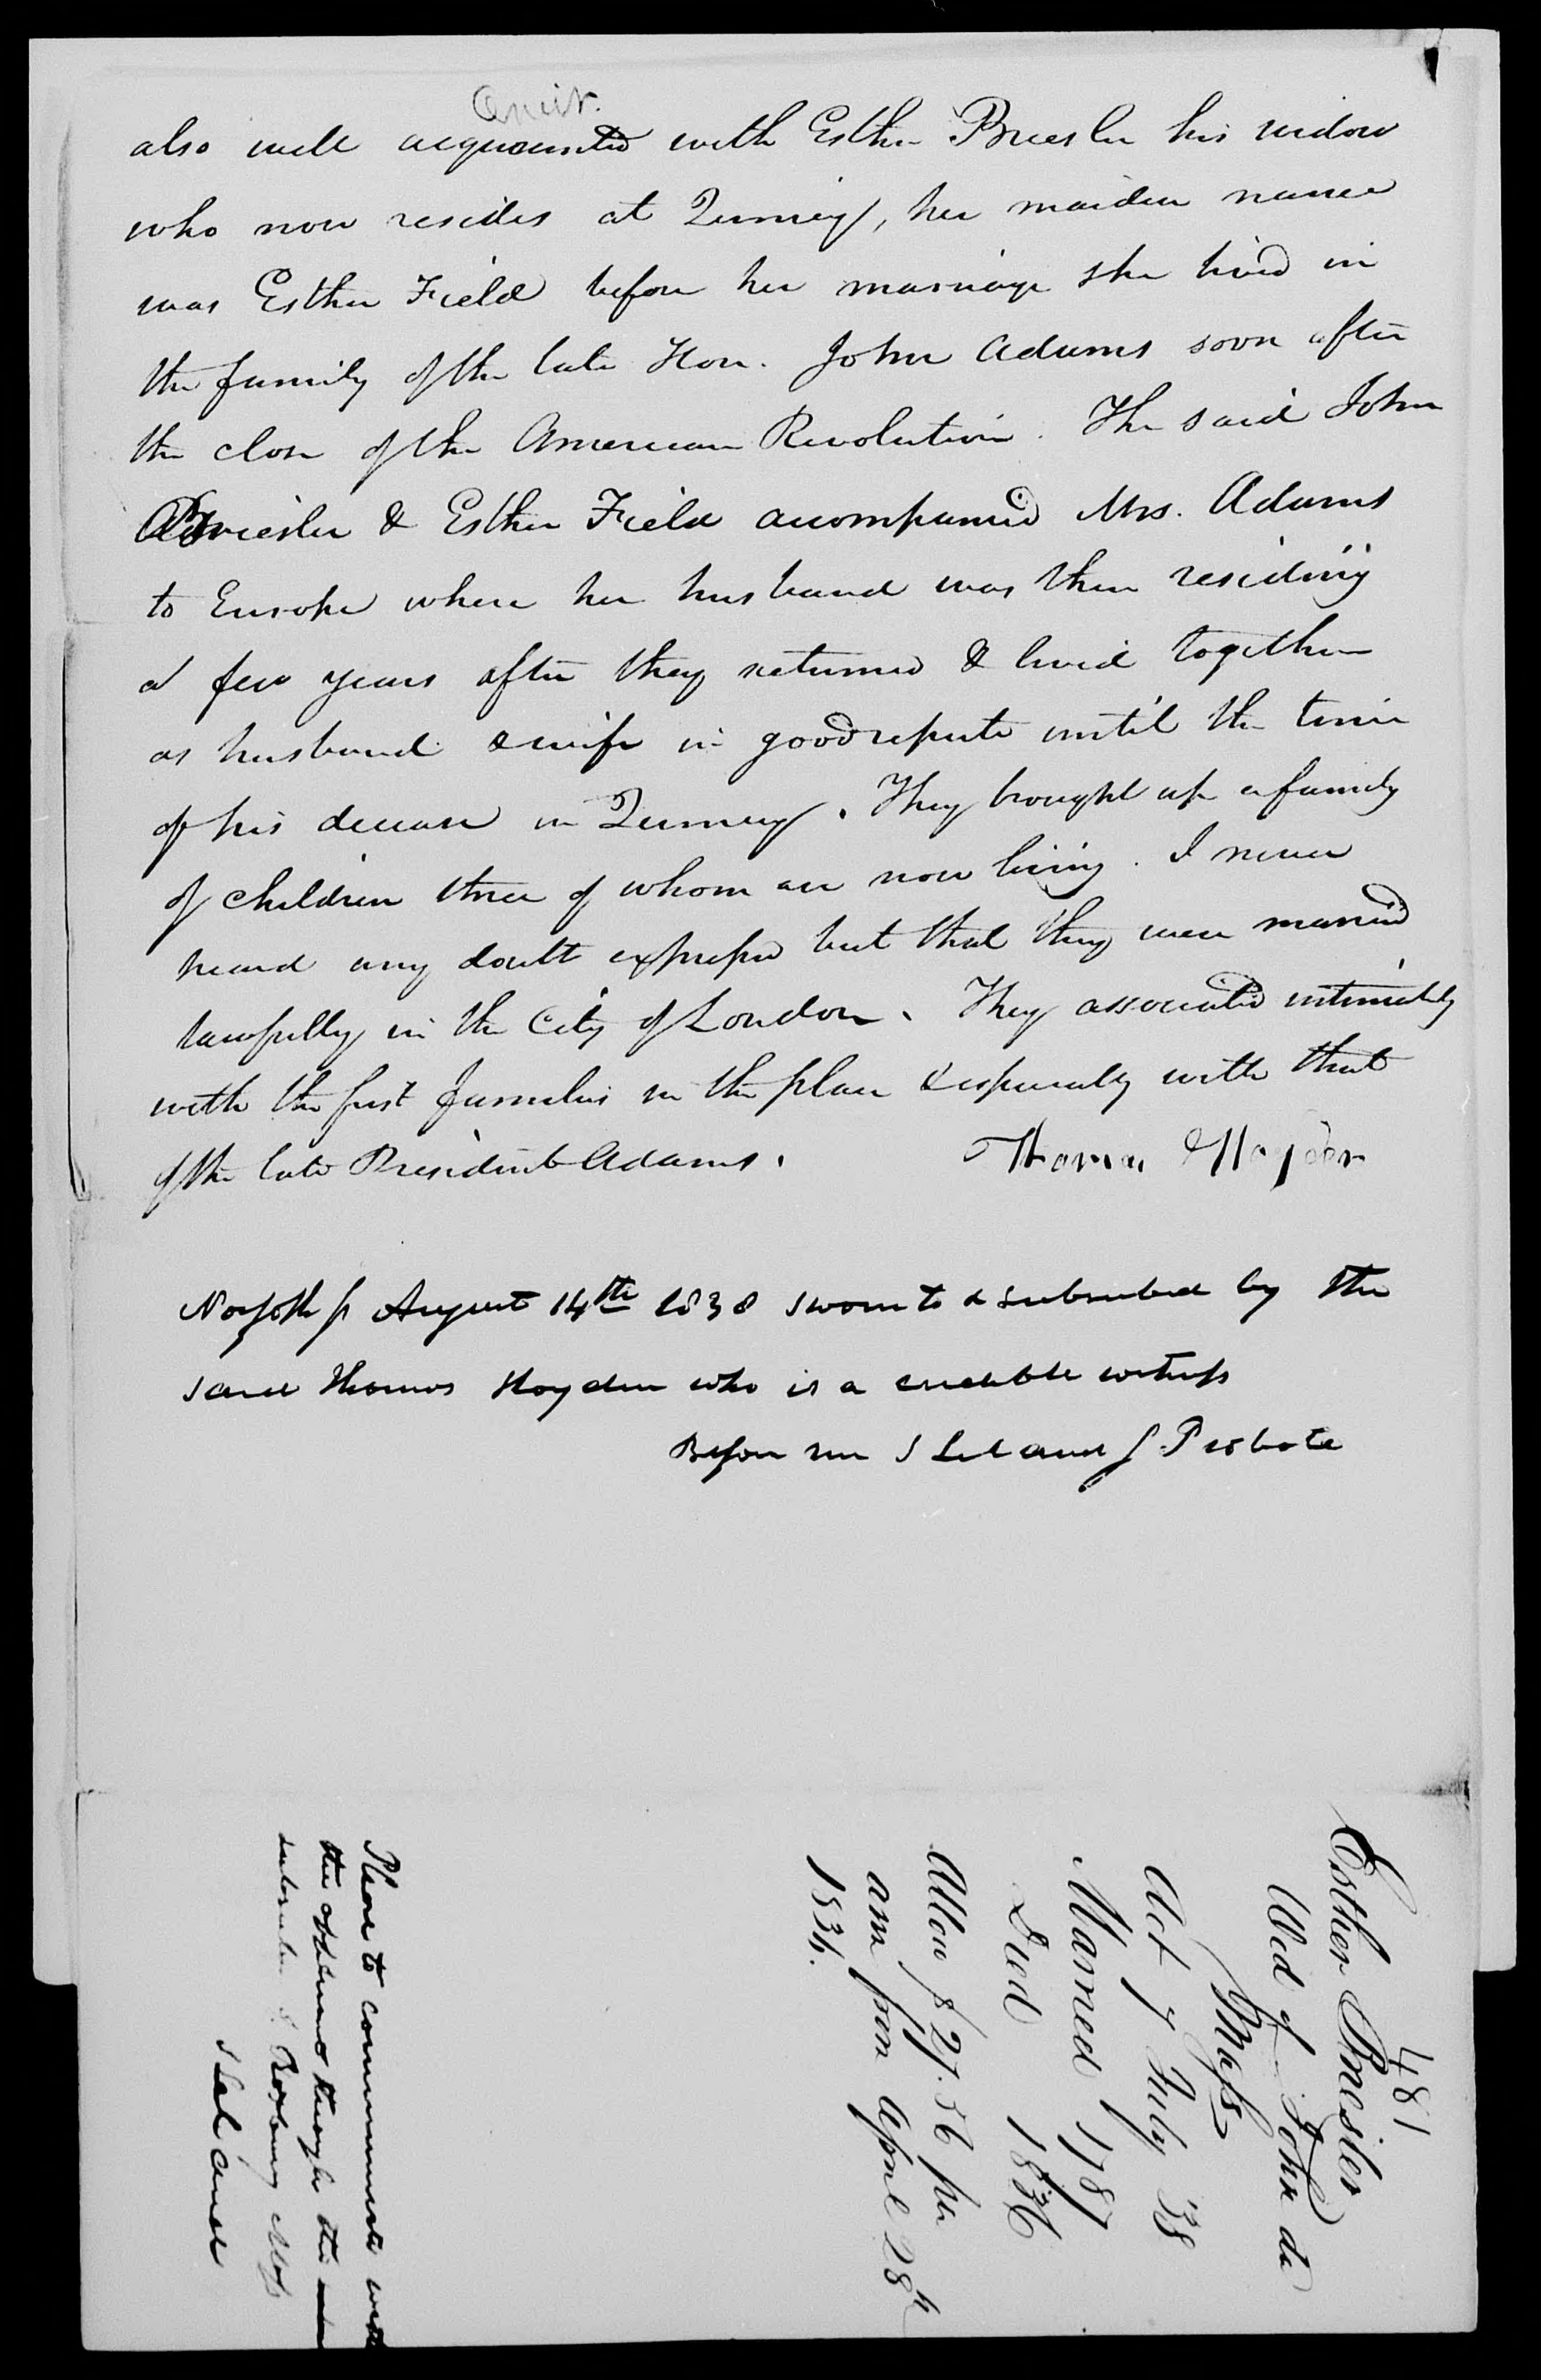also much acquainted with Esther Briesler his widow who now resides at Quincy, her maiden name was Esther Field before her marriage she lived in the family of the late Hon. John Adams soon after the close of the American Revolution. The said John Briesler & Esther Field accompanied Mrs Adams to Europe where her husband was then residing a few years after they returned & lived together as husband & wife in good repute until the time of his decease in Quincy. They brought up a family of children three of whom are now living. I never heard any doubt expressed but that they were married lawfully in the City of London. They associated intimately with the first families in the place & especially with that of the late President Adams.  Thomas Hayden

Norfolk Cy August 14th 1839 sworn to & subscribed by the said Thomas Hayden  who is a credible witness.  before me L Leland J. Probate

[partially Illegible sideways script]
48
Esther Bre
Wid of 
Mass
Act of 
Married
Died 
Allow $ 27.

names: S Leland, Esther Field, Esther Field, Esther Briesler, Esther Briesler, Thomas Hayden, John Briesler, S Leland, Thomas Hayden, John Adams, John Briesler, Adams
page: 9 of 46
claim: widow's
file: W. 23,673, John Brisler, Mass.